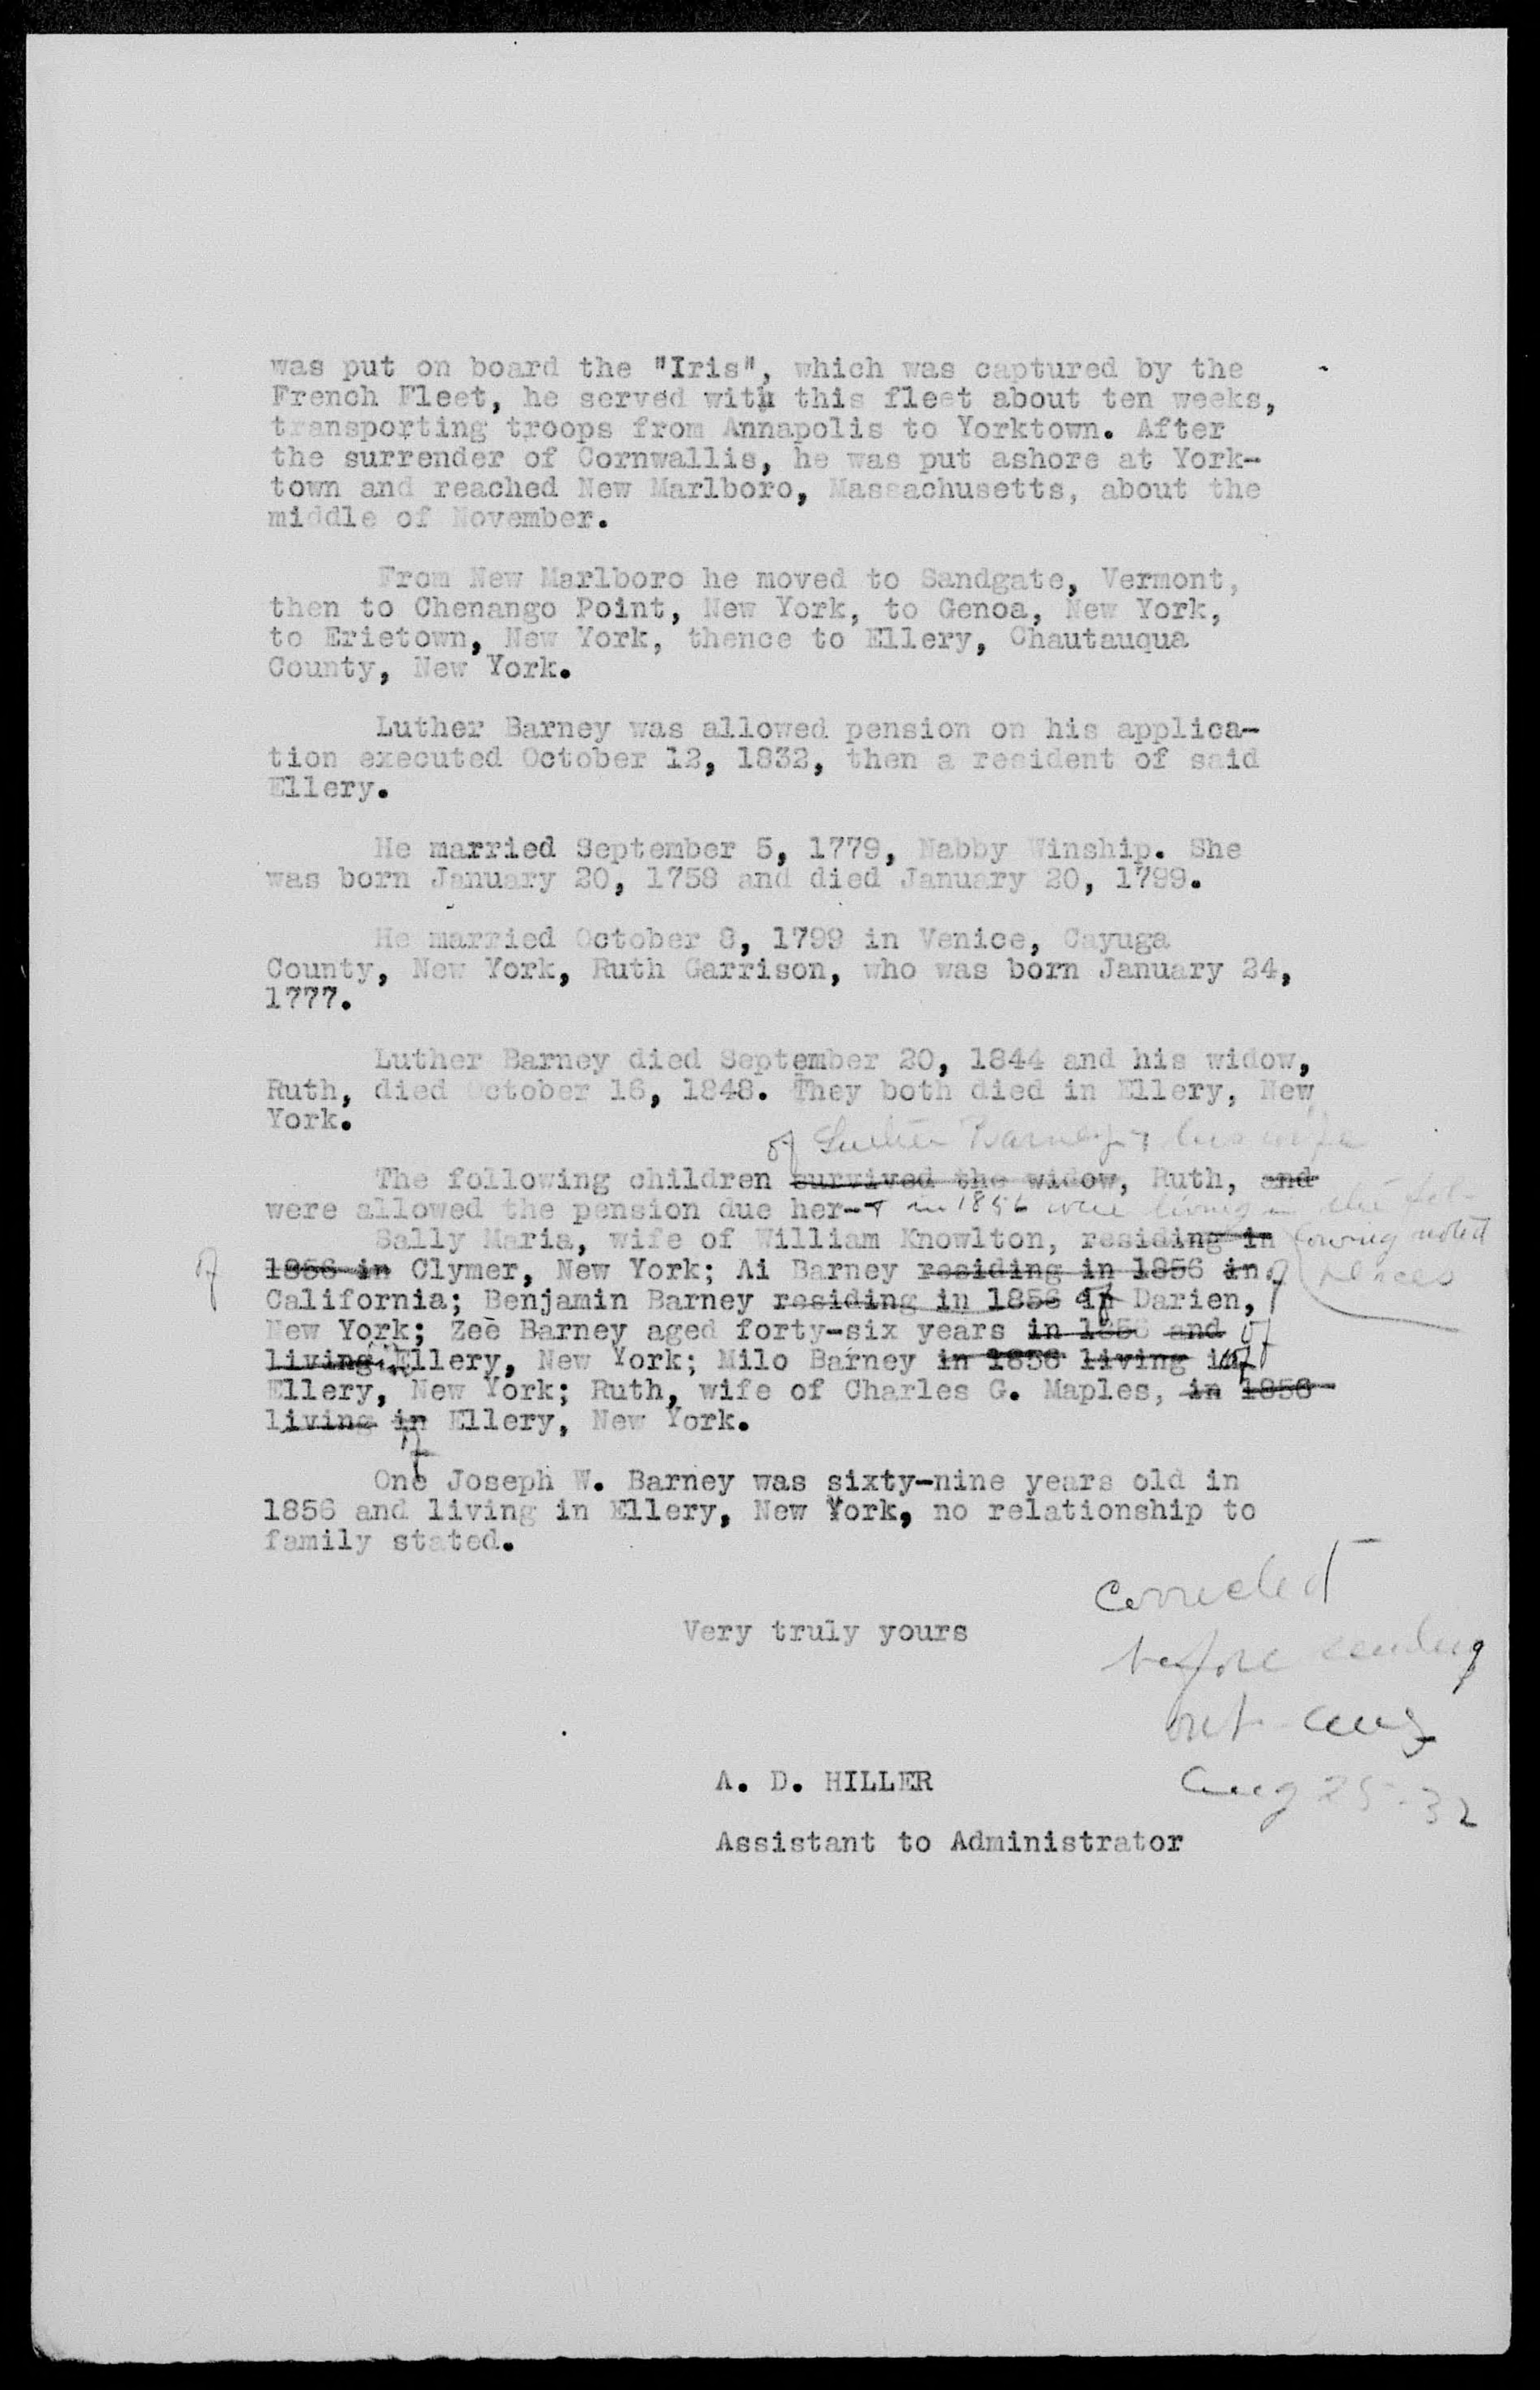was put on board the "Iris", which was captured by the French Fleet, he served with this fleet about ten weeks, transporting troops from Annapolis to Yorktown. After the surrender of Cornwallis, he was put ashore at Yorktown and reached New Marlboro, Massachusetts, about the middle of November.

From New Marlboro he moved to Sandgate, Vermont, then to Chenango Point, New York, to Genoa, New York, to Erietown, New York, thence to Ellery, Chautauqua
County, New York.

Luther Barney was allowed pension on his application executed October 13, 1832, then a resident of said Ellery.

He married September 5, 1779, Nabby Winship. She was born January 20, 1758 and died January 20, 1789.

He married October 8, 1799 in Venice, Cayuga County, New York, Ruth Garrison, who was born January 24, 1777.

Luther Barney died September 20, 1844 and his widow, Ruth, died October 18, 1848. They both died in Ellery, New York.

The following children survived the widow [last 3 words crossed out] of Luther Barney, his wife [last 5 words inserted by hand], Ruth, and [crossed out] were allowed the pension due her & in 1856 were living in the following noted places [10 words inserted by hand]

Sally Maria, wife of William Knowlton, residing in 
1866 in [last 4 words crossed out] Clymer, New York; Ai Barney residing in 1856 in [last 4 words crossed out] of California; Benjamin Barney residing in 1856 in [last 4 words crossed out] of Darien, New York; Zee Barney aged forty-six years in 1856 and living in [last 5 words crossed out] of Ellery, New York; Milo Barney in 1856 living in [last 4 words crossed out] of
Ellery, New York; Ruth, wife of Charles G. Maples, in 1856 living in [last 4 words crossed out] of Ellery, New York.

One Joseph W. Barney was sixty-nine years old in 1856 and living in Ellery, New York, no relationship to family stated.

Very truly yours
A. D. HILLER
Assistant to Administrator

Corrected before sending out Aug 25 32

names: Milo Barney, Zee Barney, Luther Barney, Benjamin Barney, Charles G Maples, A D Hiller, Luther Barney, Ruth Maples, William Knowlton, Ruth Garrison, Sally Maria Knowlton, Joseph W Barney, Ai Barney, Luther Barney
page: 21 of 61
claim: widow's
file: W. 4.124, Luther Barney, Conn. Privateer.